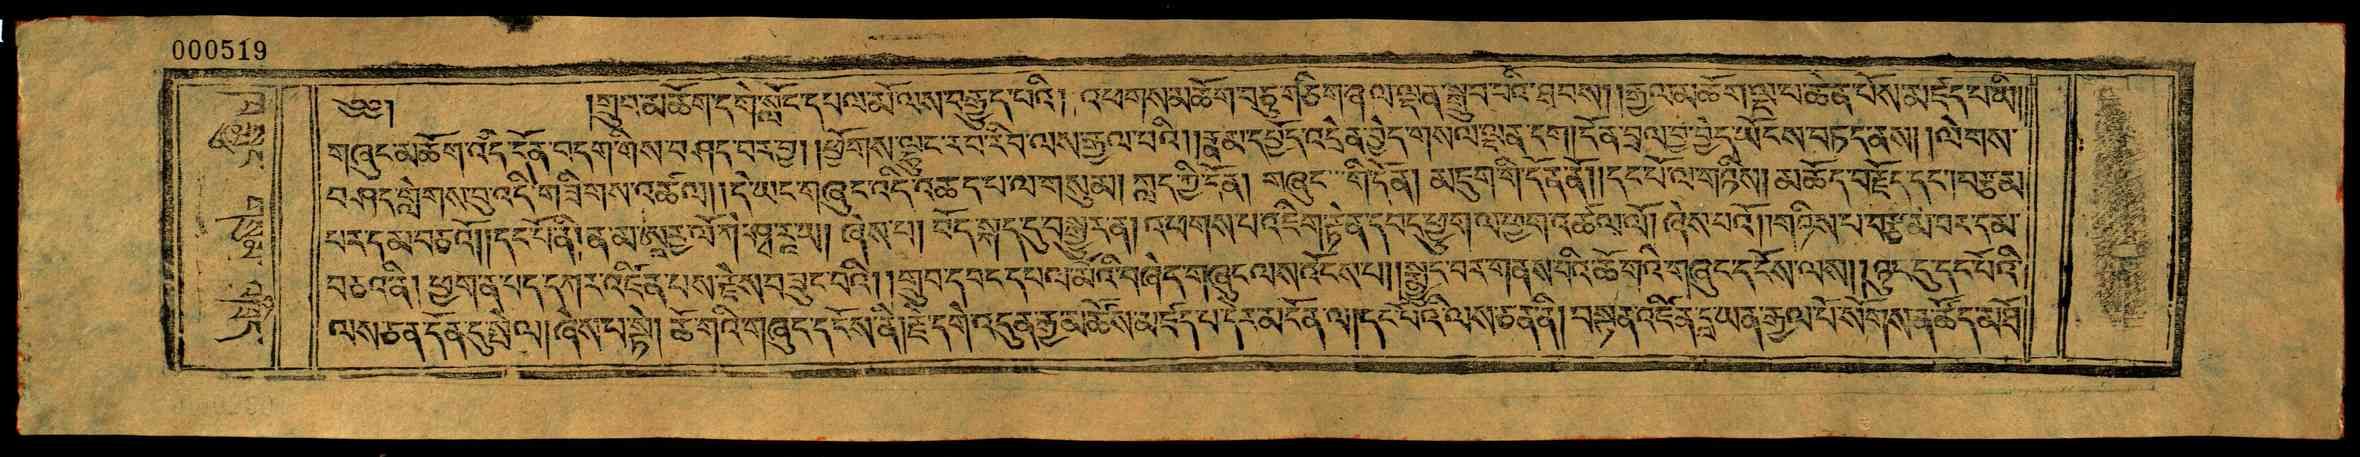༄༅། །གྲུབ་མཆོག་དགེ་སློང་དཔལ་མོ་ལས་བརྒྱུད་པའི། །འཕགས་མཆོག་བཅུ་གཅིག་ཞལ་ལྡན་སྒྲུབ་པའི་ཐབས། །རྒྱལ་མཆོག་ལྔ་པ་ཆེན་པོས་མཛད་པ་ཡི།།
གཞུང་མཆོག་འདི་དོན་བདག་གིས་བཤད་པར་བྱ། །ཕྱོགས་ལྷུང་རབ་རིབ་ལས་རྒྱལ་བའི། །རྣམ་དཔྱོད་འདྲེན་བྱེད་གསལ་ལྡན་དག །དོན་བྲལ་བྱ་བྱེད་ཡོངས་བཏང་ནས། །ལེགས་
བཤད་གླེགས་བུ་འདི་གཟིགས་འཚལ། །དེ་ཡང་གཞུང་འདི་འཆད་པ་ལ་གསུམ། ཀླད་ཀྱི་དོན། གཞུང་གི་དོན། མཇུག་གི་དོན་ནོ། །དང་པོ་ལ་གཉིས། མཆོད་བརྗོད་དང་། བརྩམ་
པར་དམ་བཅའོ། །དང་པོ་ནི། ན་མ་ཨཱརྱ་ལོ་ཀ་ཤྭར་ཡ། ཞེས་པ། བོད་སྐད་དུ་བསྒྱུར་ན། འཕགས་པ་འཇིག་རྟེན་དབང་ཕྱུག་ལ་ཕྱག་འཚལ་ལོ། ཞེས་པའོ། །གཉིས་པ་བརྩམ་པར་དམ་
བཅའ་ནི། ཕྱག་ན་པད་དཀར་འཛིན་པས་རྗེས་བཟུང་བའི། །གྲུབ་དབང་དཔལ་མོའི་བཞེད་གཞུང་ལས་འོངས་པ། །སྨྱུང་བར་གནས་པའི་ཆོ་གའི་གཞུང་དངོས་ལས། །ཉུང་དུ་དང་པོའི་
ལས་ཅན་དོན་དུ་སྤེལ། ཞེས་པ་སྟེ། ཆོ་གའི་གཞུང་དངོས་ནི། རྗེ་དགེ་འདུན་རྒྱ་མཚོས་མཛད་པ་དེར་མངོན་ལ། དང་པོའི་ལས་ཅན་ནི། བསྟན་འཛིན་དཱ་ཡན་རྒྱལ་པོ་སོགས་ན་ཚོད་མཐོ་